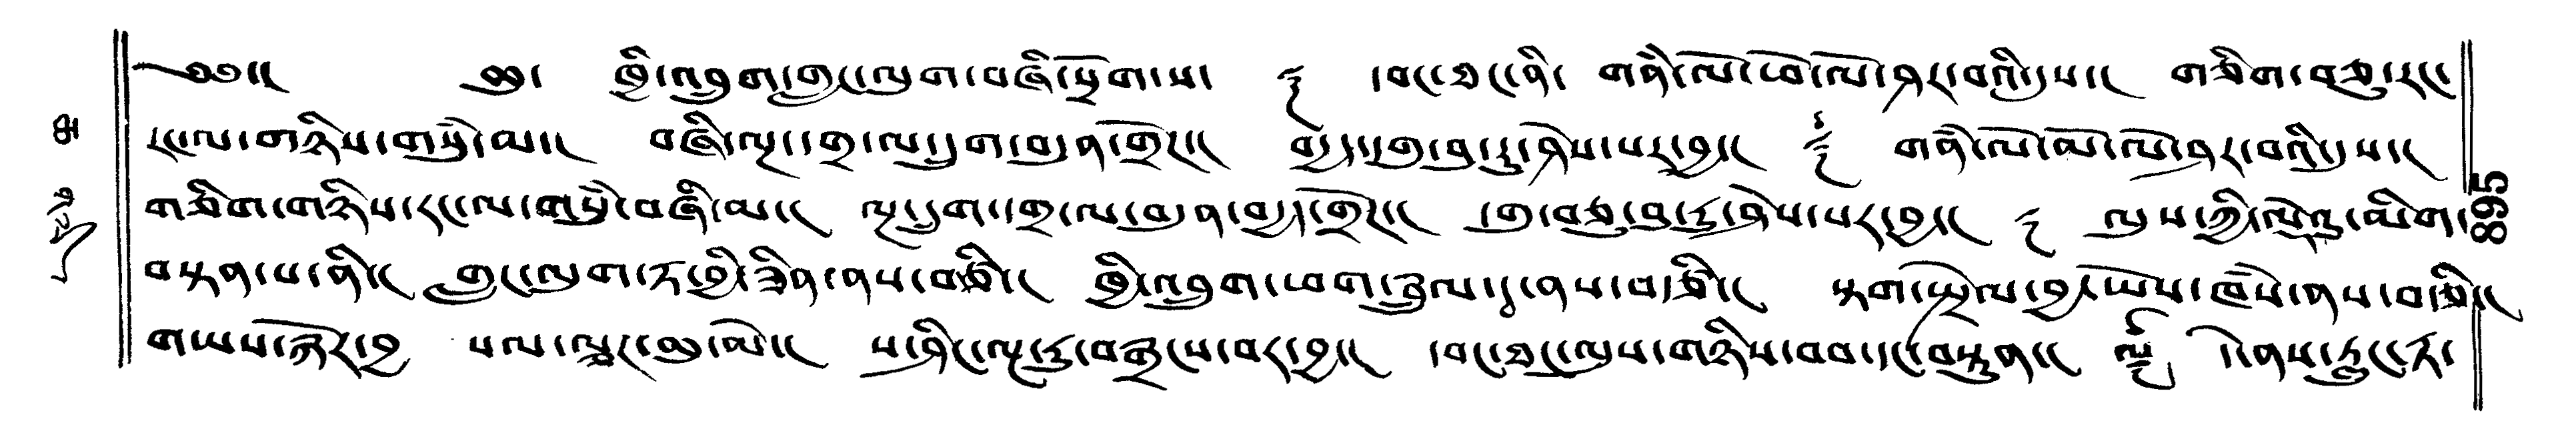ཆུ། ཁྱི་འབྲུག་གླང་ལུག་བཞི་སྲོག་ས། ༈ དབང་ཐང་ནི། གནམ་ལོ་ཕོ་ལོ་ཤར་བའི་དུས། །གཅིག་བཅུ་རང་
རང་ལ་གཉིས་གསུམ། །བཞི་ལྔ་དགྲ་ལ་དྲུག་བདུན་གྲོགས། །བརྒྱད་དགུ་བུ་རུ་ཤེས་པར་བྱ། ༈ གནམ་ལོ་མོ་ལོ་ཤར་བའི་དུས། །
གཅིག་གཉིས་རང་ལ་གསུམ་བཞི་མ། །ལྔ་དྲུག་དགྲ་ལ་བདུན་བརྒྱད་གྲོགས། །དགུ་བཅུ་བུ་རུ་ཤེས་པར་བྱ། ༈ ལུས་ཀྱི་ལྡེའུ་མིག་
བསྟན་པ་ནི། །གླང་ལུག་རྟ་བྱི་ཟིན་ནས་བརྩི། ཁྱི་འབྲུག་ཕག་སྦྲུལ་དྭ་ནས་བརྩི། །སྟག་སྤྲེལ་བྱ་ཡོས་ཁམ་ནས་བརྩི།
གཡས་སྐོར་བྱ་ས་ལ་ལྕགས་ཆུ་མེ། །ས་ཤིང་ལྔ་རུ་བསྒྲང་བར་བྱ། །དབང་ཐང་ལུས་གཉིས་བབ་དག་བསྟུན། ༈ དེ་ནས་རླུང་རྟ་